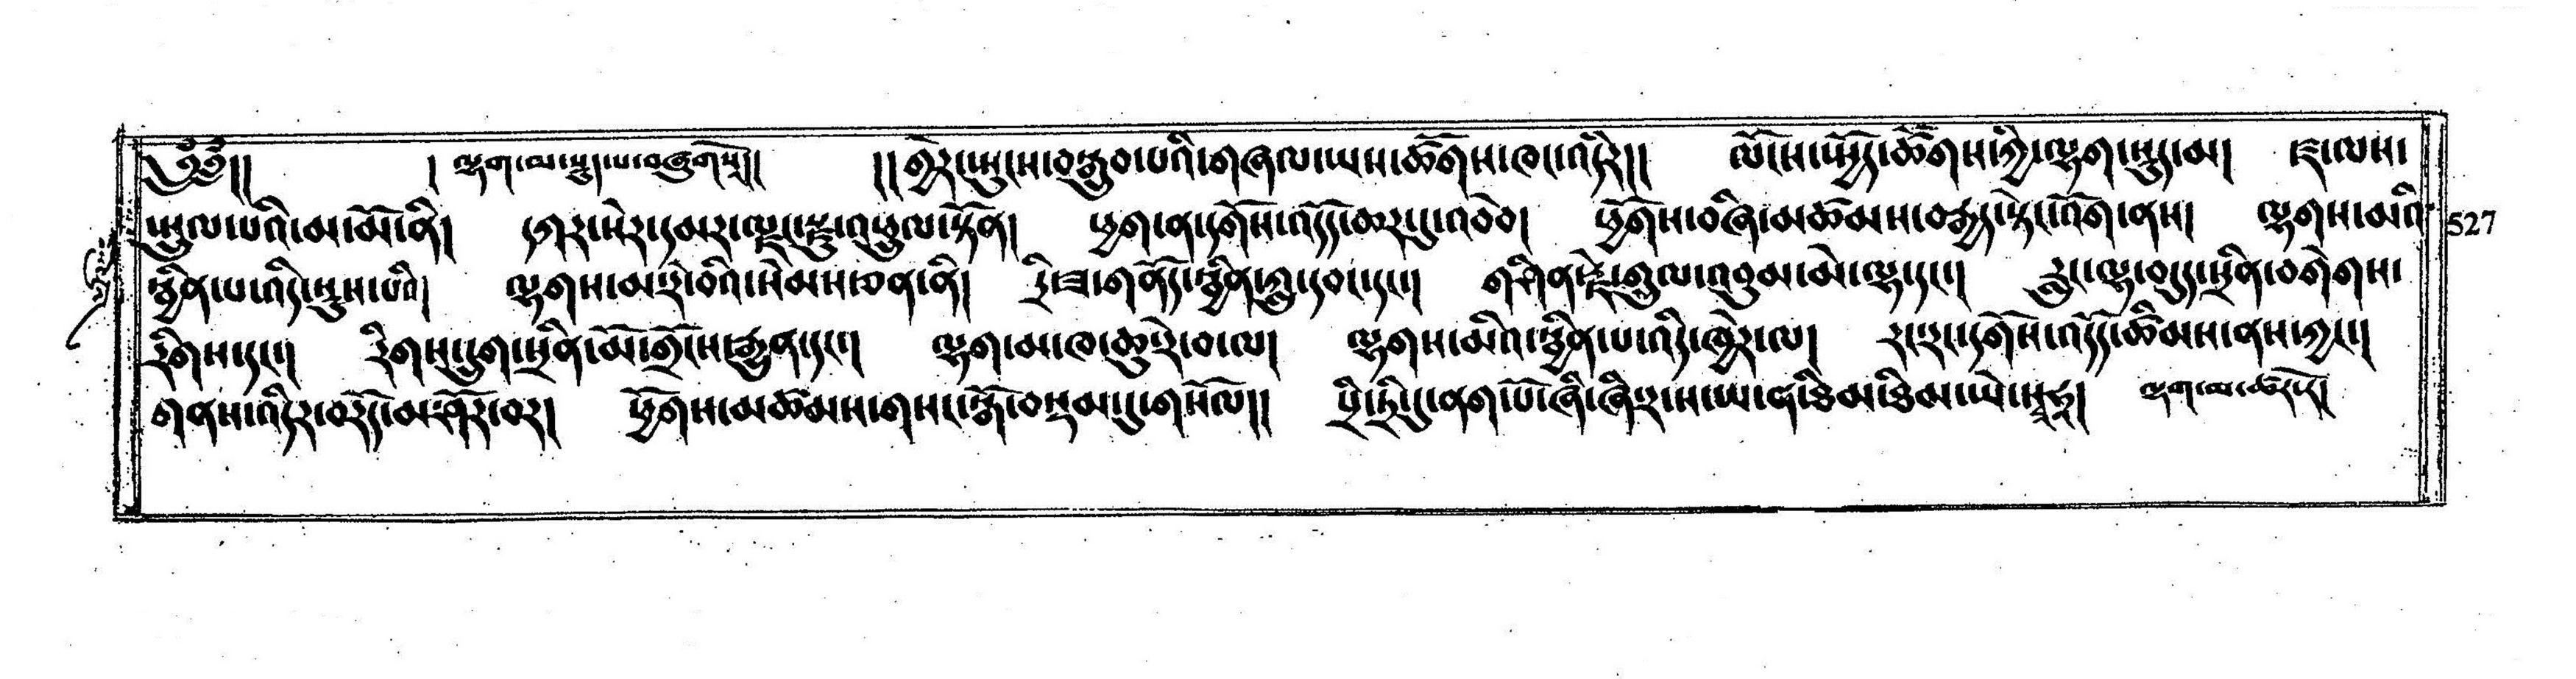༄༅། །ལྷག་མ་སྡུད་པ་བཞུགས་སོ།། །།གྱེར་སྤུངས་བསྒྲུབ་པའི་གཞལ་ཡས་ཚོགས་ཁང་འདིར།། ལོངས་སྤྱོད་ཚོགས་ཀྱི་ལྷག་སྡུད་མ། ཛ་ལས་
སྤྲུལ་པའི་མ་མོ་ནི། དཀར་སེར་དམར་ལྗང་རྫུ་འཕྲུལ་སྟོན། ཕྱག་ན་དགོས་འདོད་ཆར་དུ་འབེབ། ཕྱོགས་བཞི་མཚམས་བརྒྱད་སྟེང་འོག་ནས། ལྷག་མའི་
སྦྱིན་པ་འདི་བསྡུས་པའི། ལྷག་མ་རེ་བའི་སེམས་ཅན་ནི། དྲི་ཟ་གནོད་སྦྱིན་ཀླུ་དབང་དང་། གཤིན་རྗེ་གྲུལ་འབུམ་མེ་ལྷ་དང་། རླུང་ལྷ་བདུད་སྲིན་བགེགས་
རིགས་དང་། རིགས་དྲུག་སྲིན་མོ་གྲོངས་རྒྱུན་དང་། ལྷག་མ་ཁ་ཆུ་རེ་བ་ལ། ལྷག་མའི་སྦྱིན་པ་འདི་ཁྱེར་ལ། རང་རང་དགོས་འདོད་ཚིམས་ནས་ཀྱང་། 
གནས་འདིར་བར་ཆོད་མ་ཤོར་བར། ཕྱོགས་མཚམས་གསང་སྒོ་བསྡམ་དུ་གསོལ།། པྲི་ཏྲི་དུ་ནག་པོ་ཞི་ཞི་ར་ས་ཡ་ན་ཐིམ་ཐིམ་ཡེ་སྭཱཧཱ། ལྷག་མ་ཚར་རོ།